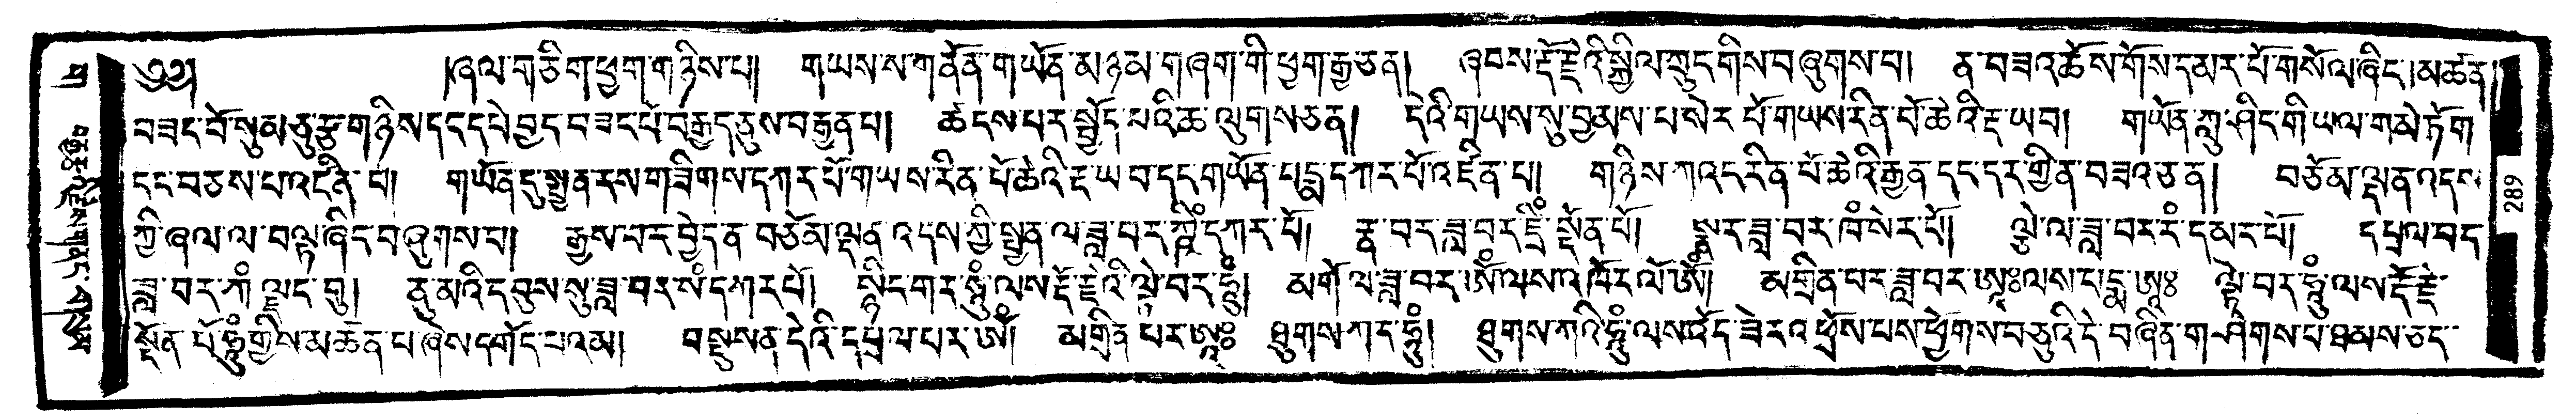༄༅། །ཞལ་གཅིག་ཕྱག་གཉིས་པ། གཡས་ས་གནོན་གཡོན་མཉམ་གཞག་གི་ཕྱག་རྒྱ་ཅན། ཞབས་རྡོ་རྗེའི་སྐྱིལ་ཀྲུང་གིས་བཞུགས་པ། ན་བཟའ་ཆོས་གོས་དམར་པོ་གསོལ་ཞིང་། མཚན་
བཟང་པོ་སུམ་ཅུ་རྩ་གཉིས་དང་དཔེ་བྱད་བཟང་པོ་བརྒྱད་ཅུས་བརྒྱན་པ། ཚངས་པར་སྤྱོད་པའི་ཆ་ལུགས་ཅན། དེའི་གཡས་སུ་བྱམས་པ་སེར་པོ་གཡས་རིན་པོ་ཆེའི་རྔ་ཡབ། གཡོན་ཀླུ་ཤིང་གི་ཡལ་ག་མེ་ཏོག་
དང་བཅས་པ་འཛིན་པ། གཡོན་དུ་སྤྱན་རས་གཟིགས་དཀར་པོ་གཡས་རིན་པོ་ཆེའི་རྔ་ཡབ་དང་གཡོན་པདམ་དཀར་པོ་འཛིན་པ། གཉིས་ཀའང་རིན་པོ་ཆེའི་རྒྱན་དང་དར་གྱི་ན་བཟའ་ཅན། བཅོམ་ལྡན་འདས་
ཀྱི་ཞལ་ལ་བལྟ་ཞིང་བཞུགས་པ། རྒྱས་པར་བྱེད་ན་བཅོམ་ལྡན་འདས་ཀྱི་སྤྱན་ལ་ཟླ་བར་ཀྵིཾ་དཀར་པོ། རྣ་བར་ཟླ་བར་ཛྲིཾ་སྔོན་པོ། སྣར་ཟླ་བར་ཁཾ་སེར་པོ། ལྕེ་ལ་ཟླ་བར་རཾ་དམར་པོ། དཔྲལ་བར་
ཟླ་བར་ཀཾ་ལྗང་གུ། ནུ་མའི་དབུས་སུ་ཟླ་བར་སཾ་དཀར་པོ། སྙིང་གར་ཧཱུཾ་ལས་རྡོ་རྗེའི་ལྟེ་བར་ཧཱུཾ། མགོ་ལ་ཟླ་བར་ཨོཾ་ལས་འཁོར་ལོ་ཨོཾ། མགྲིན་པར་ཟླ་བར་ཨཱཿལས་པདམ་ཨཱཿ ལྟེ་བར་ཧཱུཾ་ལས་རྡོ་རྗེ་
སྔོན་པོ་ཧཱུཾ་གྱིས་མཚན་པ་ཞེས་དགོད་པའམ། བསྡུས་ན་དེའི་དཔྲལ་བར་ཨོཾ། མགྲིན་པར་ཨཱཿ ཐུགས་ཀར་ཧཱུཾ། ཐུགས་ཀའི་ཧཱུཾ་ལས་འོད་ཟེར་འཕྲོས་པས་ཕྱོགས་བཅུའི་དེ་བཞིན་གཤེགས་པ་ཐམས་ཅད་